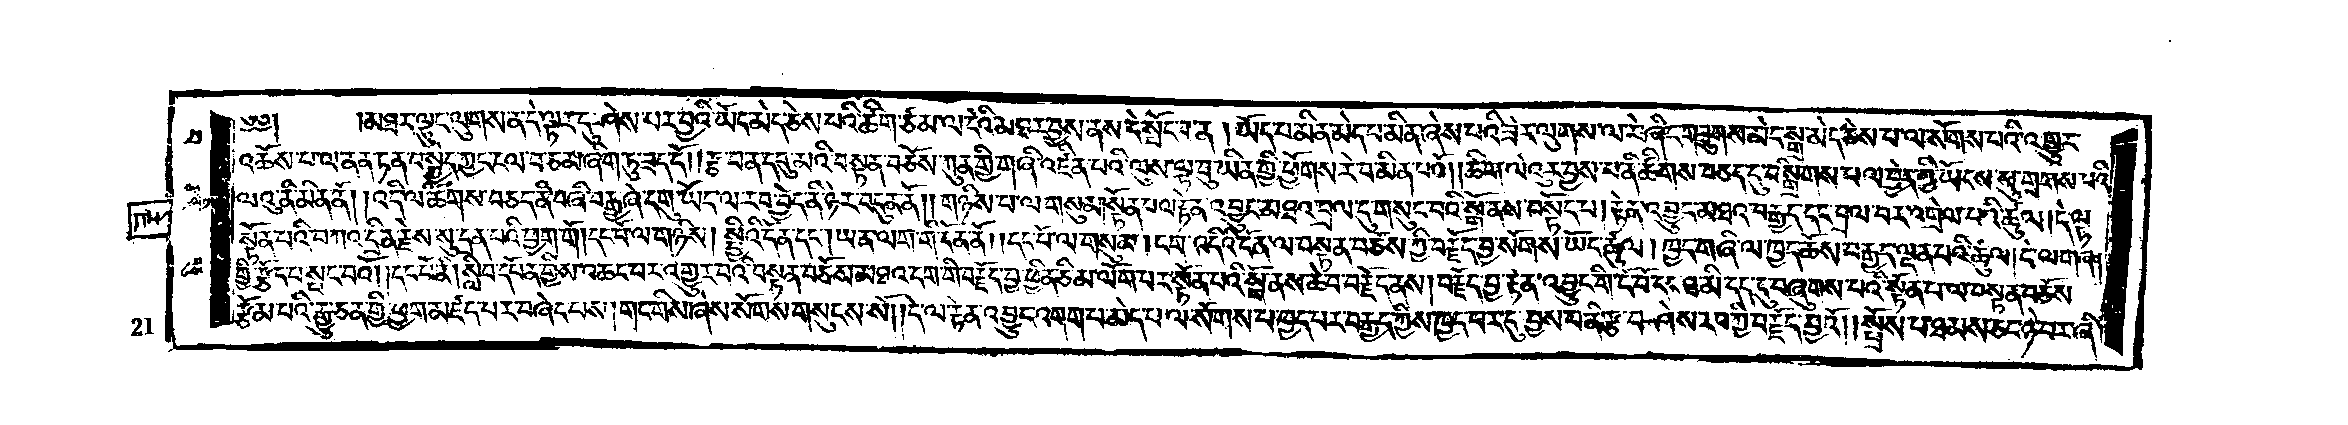༄༅། །མཐར་ལྟུང་ལུགས་ནི་དེ་ལྟར་དུ་ཤེས་པར་བྱའི་ཡོད་མེད་ཅེས་པའི་ཚིག་ཙམ་ལ་དེའི་མཐར་བྱས་ནས་དེ་སྤོང་ན། ཡོད་པ་མིན་མེད་པ་མིན་ཞེས་པའི་ཟེར་ལུགས་ལ་རེ་ཞིང་གཟུགས་མེད་སྒྲ་མེད་ཅེས་པ་ལ་སོགས་པའི་འབྱུང་
འཆོས་པ་ལ་ནན་ཏན་བསྐྱེད་ཀྱང་ངལ་བ་ཙམ་ཞིག་ཏུ་ཟད་དོ། །རྩ་བ་ནི་དབུ་མའི་བསྟན་བཅོས་ཀུན་གྱི་གཞི་འཛིན་པའི་ལུས་ལྟ་བུ་ཡིན་གྱི་ཕྱོགས་རེ་བ་མིན་པའོ། །ཚིག་ལེའུར་བྱས་པ་ནི་ཚིགས་བཅད་དུ་བསྒྲིགས་པ་ལ་བྱེད་ཀྱི་ཡོངས་སུ་གྲགས་པའི་
ལེའུ་ནི་མིན་ནོ། །འདི་ལ་ཚོགས་བཅད་ནི་བཞི་བརྒྱ་ཞེ་དགུ་ཡོད་ལ་རབ་བྱེད་ནི་ཉེར་བདུན་ནོ། །གཉིས་པ་ལ་གསུམ། སྟོན་པ་ལ། བརྟེན་འབྱུང་མཐའ་བྲལ་དུ་གསུང་བའི་སྒོ་ནས་བསྟོང་པ། རྟེན་འབྱུང་མཐའ་བརྒྱད་དང་བྲལ་བར་འགྲེལ་བའི་ཚུལ། དེ་ལྟ་
སྟོན་པའི་བཀའ་དྲིན་རྗེས་སུ་དྲན་པའི་ཕྱག་གོ། དང་པོ་ལ་གཉིས། སྤྱིའི་དོན་དང་། ཡན་ལག་གི་དོན་ནོ། །དང་པོ་ལ་གསུམ། ངག་འདིའི་དོན་ལ་བསྟན་བཙས་ཀྱི་བརྗོད་བྱ་སོགས་ཡོད་ཚུལ། ཁྱད་གཞི་ལ་ཁྱད་ཆོས་བརྒྱད་ལྡན་པའི་ཚུལ། དེ་ལ་གཞན་
གྱི་རྩོད་པ་སྤངས་བའོ། །དང་པོ་ནི། སློབ་དཔོན་གྱིས་འཆད་པར་འགྱུར་བའི་བསྟན་བཅོས་མཐའ་དག་གི་བརྗོད་བྱ་ཕྱིན་ཅི་མ་ལོག་པར་སྟོན་པའི་སྒོ་ནས་ཆེ་བ་བརྗོད་ནས། བརྗོད་བྱ་རྟེན་འབྱུང་གི་ངོ་བོ་དང་ཐ་མི་དང་དུ་བཞུགས་པའི་སྟོན་པ་ལ་བསྟན་བཅོས་
རྩོམ་པའི་རྒྱུ་ཅན་གྱི་ཕྱག་མཛད་པར་བཞེད་པར། གང་གིས་ཞེས་སོགས་གསུངས་སོ། །དེ་ལ་བརྟེན་འབྱུང་འགག་པ་མེད་པ་ལ་སོགས་པ་ཁྱད་པར་བརྒྱད་ཀྱིས་ཁྱད་པར་དུ་བྱས་པ་ནི་རྩ་བ་ཤེས་རབ་ཀྱི་བརྗོད་བྱའོ། །སྤྲོས་པ་ཐམས་ཅད་ཉེ་བར་ཞི་